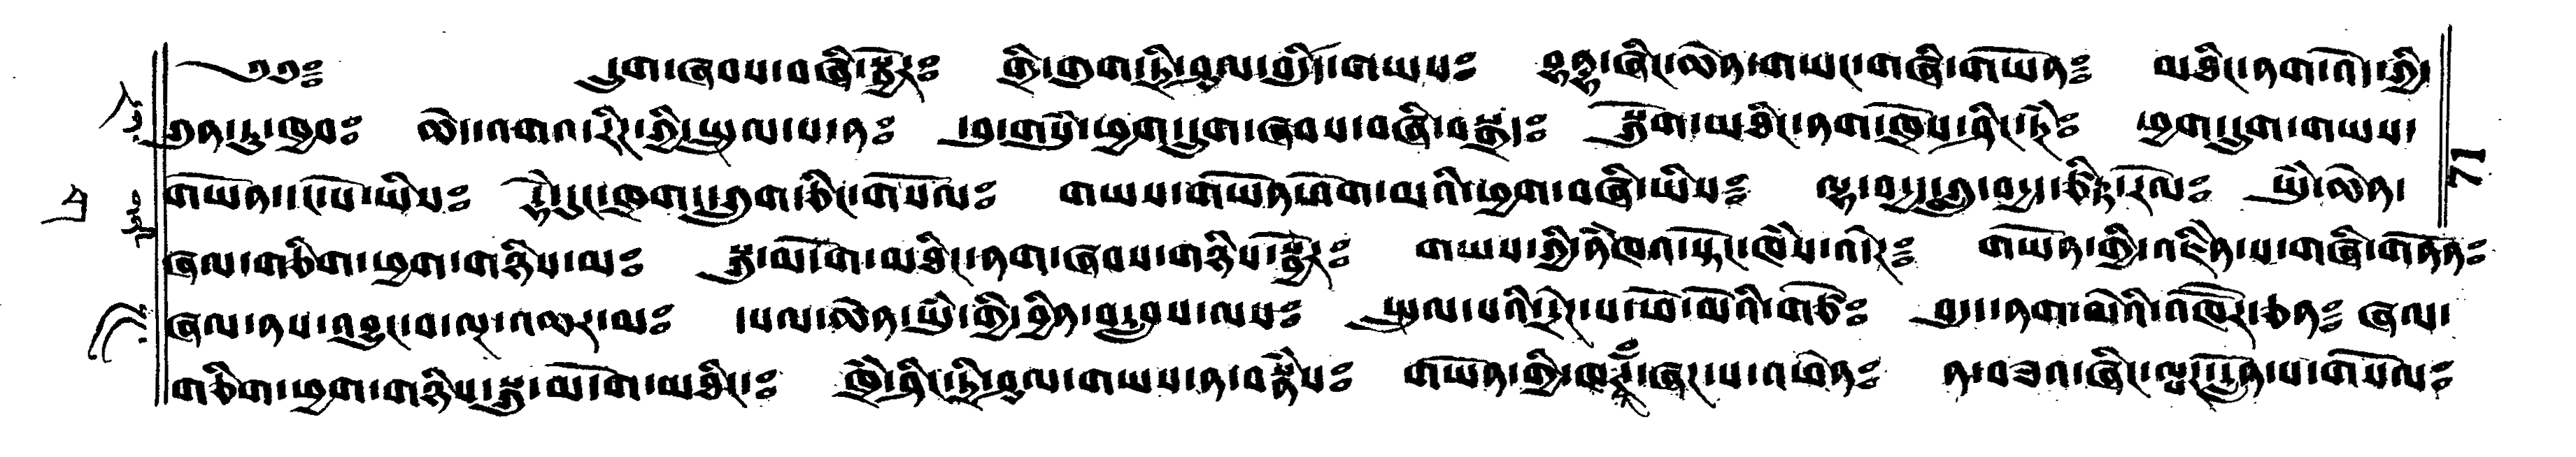དྲུག་ཞབས་བཞི་སྦྱོརཿ གྲི་གུག་ཏྲི་ཤུལ་བདུད་རྩི་གཡསཿ བྷནྡྷ་ཞིང་ཆེན་གཡང་གཞི་གཡོནཿ མཐིང་ནག་འོད་ཀྱིས་
ཀུན་ཏུ་ཁྱབཿ མཆེད་འགའ་རིགས་ཀྱི་སྤྲུལ་པ་ནཿ དབུ་གསུམ་ཕྱག་དྲུག་ཞབས་བཞི་བསྒྲདཿ སྐུ་མདོག་མཐིང་ནག་ཁྲོས་ཤིང་རྔམཿ ཕྱག་དྲུག་གཡས་
གཡོན་དང་པོ་ཡིསཿ རྡོ་རྗེ་དུང་ཁྲག་དཀྲུག་ཅིང་གསོལཿ གཡས་གཡོན་འོག་མའི་ཕྱག་བཞི་ཡིས༔ ལྷ་བརྒྱད་ཀླུ་བརྒྱད་ཙིཏྟ་རོལཿ ཡུམ་ཆེན་
ཞལ་གཅིག་ཕྱག་གཉིས་ལཿ སྐུ་མདོག་མཐིང་ནག་ཞབས་གཉིས་སྦྱོརཿ གཡས་ཀྱིས་ནམ་མཁའ་སྟོང་ཁམས་ལྡིང༔ གཡོན་གྱིས་འཇིག་རྟེན་ས་གཞི་གནོནཿ 
ཞལ་ནས་འབྱུང་བ་ལྔ་འཆར་མཿ དཔལ་ཆེན་ཡུམ་གྱི་བྱིན་བརླབས་ལསཿ སྤྲུལ་པའི་དྲེགས་པ་ཕོ་མོའི་གཙོཿ བདུད་ནག་མེའི་འཁོར་ལོ་ཅནཿ ཞལ་
གཅིག་ཕྱག་གཉིས་སྐུ་མདོག་མཐིང་ཿ ཁྲམ་ཤིང་ཏྲི་ཤུལ་གཡས་ན་བསྣམས་ཿ གཡོན་གྱི་ཁ་ཊྭྃ་ཞགས་པ་འཕེནཿ ན་བཟའ་ཞིང་ལྤགས་རློན་པ་གསོལཿ